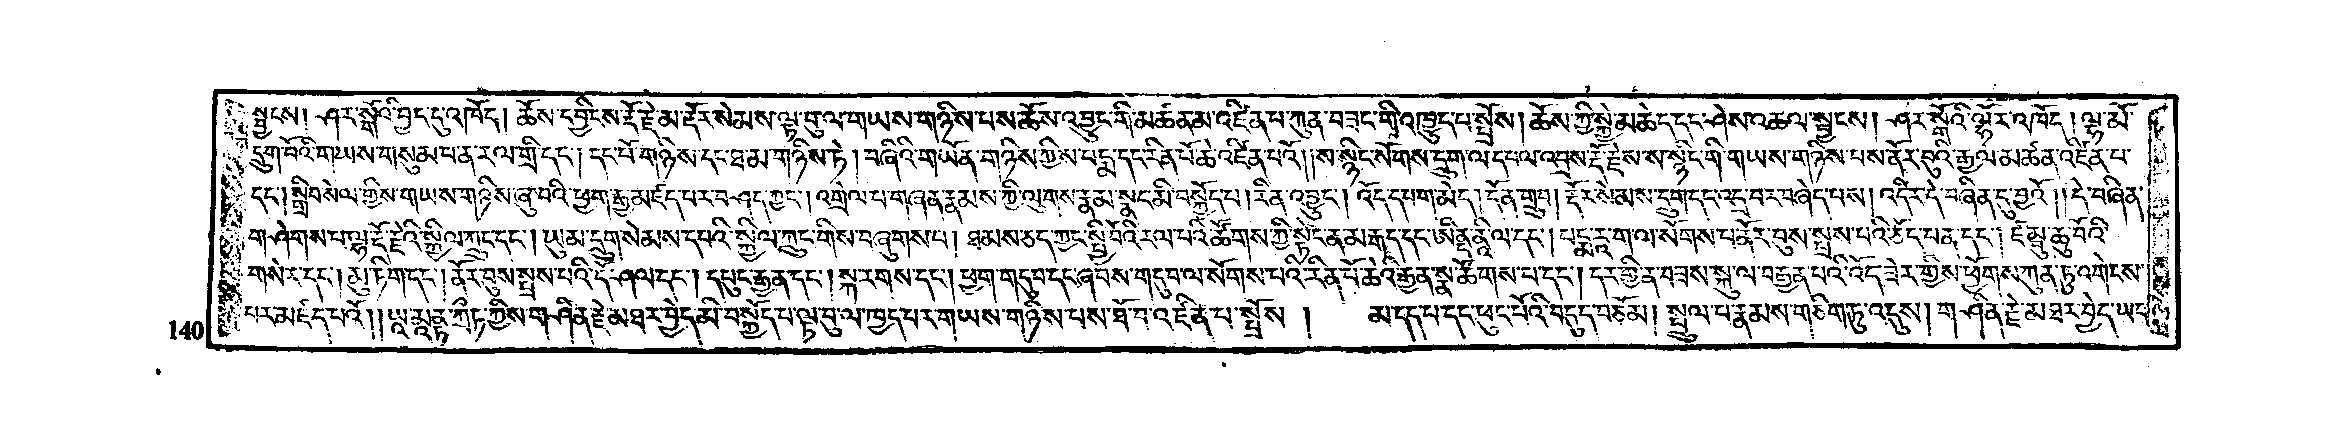སྦྱངས། ཤར་སྒོའི་བྱང་དུ་འཁོད། ཆོས་དབྱིངས་རྡོ་རྗེ་མ་རྡོར་སེམས་ལྟ་བུ་ལ་གཡས་གཉིས་པས་ཆོས་འབྱུང་གི་མཚན་མ་འཛིན་པ་ཀུན་བཟང་གིས་འཁྱུད་པ་སྤྲོས། ཆོས་ཀྱི་སྐྱེ་མཆེད་དང་ཤེས་འཆལ་སྦྱངས། ཤར་སྒོའི་ལྷོར་འཁོད། ལྷ་མོ་
དྲུག་པོའི་གཡས་གསུམ་པ་ན་རལ་གྲི་དང་། དང་པོ་གཉིས་དང་ཐ་མ་གཉིས་ཏེ། བཞིའི་གཡོན་གཉིས་ཀྱིས་པདམ་དང་རིན་པོ་ཆེ་འཛིན་པའོ། །ས་སྙིང་སོགས་དྲུག་ལ་དཔལ་འབྲས་རྡོ་རྗེས་ས་སྙིང་གི་གཡས་གཉིས་པས་ནོར་བུའི་རྒྱལ་མཚན་འཛིན་པ་
དང་། སྒྲིབ་སེལ་གྱིས་གཡས་གཉིས་ཞུ་བའི་ཕྱག་རྒྱ་མཛད་པར་བཤད་ཀྱང་། འགྲེལ་པ་གཞན་རྣམས་ཀྱི་ལུགས་རྣམ་སྣང་མི་བསྐྱོད་པ། རིན་འབྱུང་། འོད་དཔག་མེད། དོན་གྲུབ། རྡོར་སེམས་དྲུག་དང་འདྲ་བར་བཞེད་པས། འདིར་དེ་བཞིན་དུ་བྱའོ། །དེ་བཞིན་
གཤེགས་པ་ལྔ་རྡོ་རྗེའི་སྐྱིལ་ཀྲུང་དང་། ཡུམ་དྲུག་སེམས་དཔའི་སྐྱིལ་ཀྲུང་གིས་བཞུགས་པ། ཐམས་ཅད་ཀྱང་སྤྱི་བོའི་རལ་པའི་ཚོགས་ཀྱི་སྟེང་ན་མྲྒད་དང་ཨིནྡ་ནཱི་ལ་དང་། པདམ་རཱ་ག་ལ་སོགས་པ་ནོར་བུས་སྤྲས་པའི་ཅོད་པན་དང་། ཛམྦུ་ཆུ་བོའི་
གསེར་དང་། མུ་ཏིག་དང་། ནོར་བུས་སྤྲས་པའི་དོ་ཤལ་དང་། དཔུང་རྒྱན་དང་། སྐ་རགས་དང་། ཕྱག་གདུབ་དང་ཞབས་གདུབ་ལ་སོགས་པའི་རིན་པོ་ཆེའི་རྒྱན་སྣ་ཚོགས་པ་དང་། དར་གྱི་ན་བཟས་སྐུ་ལ་བརྒྱན་པའི་འོད་ཟེར་གྱིས་ཕྱོགས་ཀུན་ཏུ་འགེངས་
པར་མཛད་པའོ། །ཡཱ་མཱནྟ་ཀྲཏ་ཀྱིས་གཤིན་རྗེ་མཐར་བྱེད་མི་བསྐྱོད་པ་ལྟ་བུ་ལ་ཁྱད་པར་གཡས་གཉིས་པས་ཐོ་བ་འཛིན་པ་སྤྲོས། མ་དད་པ་དང་ཕུང་པོའི་བདུད་བཅོམ། སྤྲུལ་པ་རྣམས་གཅིག་ཏུ་འདུས། གཤིན་རྗེ་མཐར་བྱེད་ཡབ་